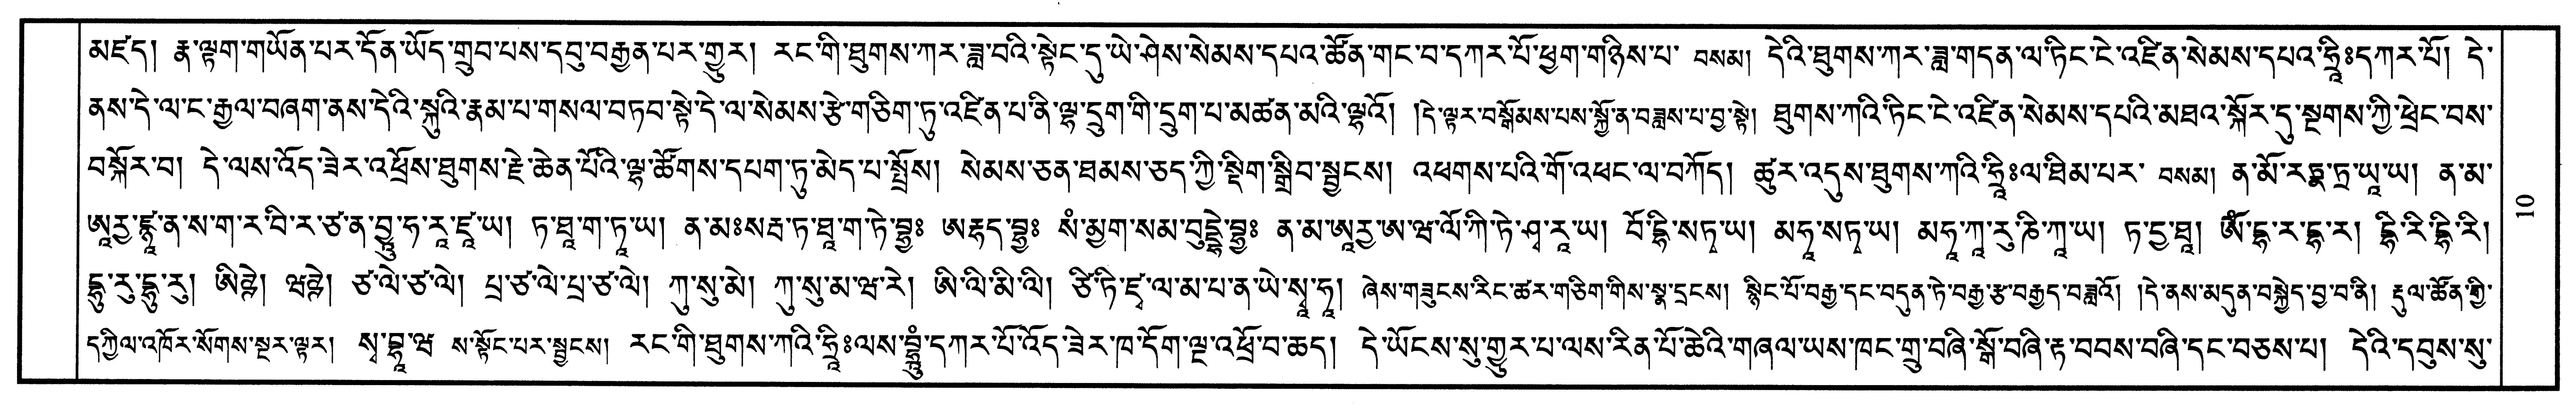མཛད། རྣ་ལྟག་གཡོན་པར་དོན་ཡོད་གྲུབ་པས་དབུ་བརྒྱན་པར་གྱུར། རང་གི་ཐུགས་ཀར་ཟླ་བའི་སྟེང་དུ་ཡེ་ཤེས་སེམས་དཔའ་ཚོན་གང་བ་དཀར་པོ་ཕྱག་གཉིས་པ་བསམ། དེའི་ཐུགས་ཀར་ཟླ་གདན་ལ་ཏིང་ངེ་འཛིན་སེམས་དཔའ་ཧྲཱིཿ དཀར་པོ། དེ་
ནས་དེ་ལ་ང་རྒྱལ་བཞག་ནས་དེའི་སྐུའི་རྣམ་པ་གསལ་བཏབ་སྟེ་དེ་ལ་སེམས་རྩེ་གཅིག་ཏུ་འཛིན་པ་ནི་ལྷ་དྲུག་གི་དྲུག་པ་མཚན་མའི་ལྷའོ། །དེ་ལྟར་བསྒོམས་པས་སྐྱོ་ན་བཟླས་པ་བྱ་སྟེ། ཐུགས་ཀའི་ཏིང་ངེ་འཛིན་སེམས་དཔའི་མཐའ་སྐོར་དུ་སྔགས་ཀྱི་ཕྲེང་བས་
བསྐོར་བ། དེ་ལས་འོད་ཟེར་འཕྲོས་ཐུགས་རྗེ་ཆེན་པོའི་ལྷ་ཚོགས་དཔག་ཏུ་མེད་པ་སྤྲོས། སེམས་ཅན་ཐམས་ཅད་ཀྱི་སྡིག་སྒྲིབ་སྦྱངས། འཕགས་པའི་གོ་འཕང་ལ་བཀོད། ཚུར་འདུས་ཐུགས་ཀའི་ཧྲཱིཿ ལ་ཐིམ་པར་བསམ། ན་མོ་རཏྣ་ཏྲ་ཡཱ་ཡ། ན་མ་
ཨཱརྱ་ཛྙཱ་ན་ས་ག་ར་བི་ར་ཙ་ན་བྱཱུ་ཧ་རཱ་ཛཱ་ཡ། ཏ་ཐཱ་ག་ཏཱ་ཡ། ན་མཿ སརྦ་ཏ་ཐཱ་ག་ཏེ་བྷྱཿ ཨརྒྷད་བྷྱཿ སཾ་མྱུག་སམ་བུདྡྷེ་བྷྱཿ ན་མ་ཨཱརྱ་ཨ་ཝ་ལོ་ཀི་ཏེ་ཤྭ་རཱ་ཡ། བོ་དྷི་སཏྭ་ཡ། མཧཱ་སཏྭ་ཡ། མྷཱ་ཀཱ་རུ་ཎི་ཀཱ་ཡ། ཏ་དྱ་ཐཱ། ཨོཾ་དྷ་ར་དྷ་ར། དྷི་རི་དྷི་རི།
དྷུ་རུ་དྷུ་རུ། ཨིཊྚེ། ཝཊྚེ། ཙ་ལེ་ཙ་ལེ། པྲ་ཙ་ལེ་པྲ་ཙ་ལེ། ཀུ་སུ་མེ། ཀུ་སུ་མ་ཝ་རེ། ཨི་ལི་མི་ལི། ཙི་ཏི་ཛྭ་ལ་མ་པ་ན་ཡེ་སྭཱ་ཧཱ། ཞེས་གཟུངས་རིང་ཚར་གཅིག་གིས་སྣ་དྲངས། སྙིང་པོ་བརྒྱ་དང་བདུན་ཏེ་བརྒྱ་རྩ་བརྒྱད་བཟླའོ། །དེ་ནས་མདུན་བསྐྱེད་བྱ་བ་ནི། རྡུལ་ཚོན་གྱི་
དཀྱིལ་འཁོར་སོགས་སྔར་ལྟར། སྭ་བྷཱ་ཝ་ས་སྟོང་པར་སྦྱངས། རང་གི་ཐུགས་ཀའི་ཧྲཱིཿ ལས་བྷྲཱུཾ་དཀར་པོ་འོད་ཟེར་ཁ་དོག་ལྔ་འཕྲོ་བ་ཆད། དེ་ཡོངས་སུ་གྱུར་པ་ལས་རིན་པོ་ཆེའི་གཞལ་ཡས་ཁང་གྲུ་བཞི་སྒོ་བཞི་རྟ་བབས་བཞི་དང་བཅས་པ། དེའི་དབུས་སུ་